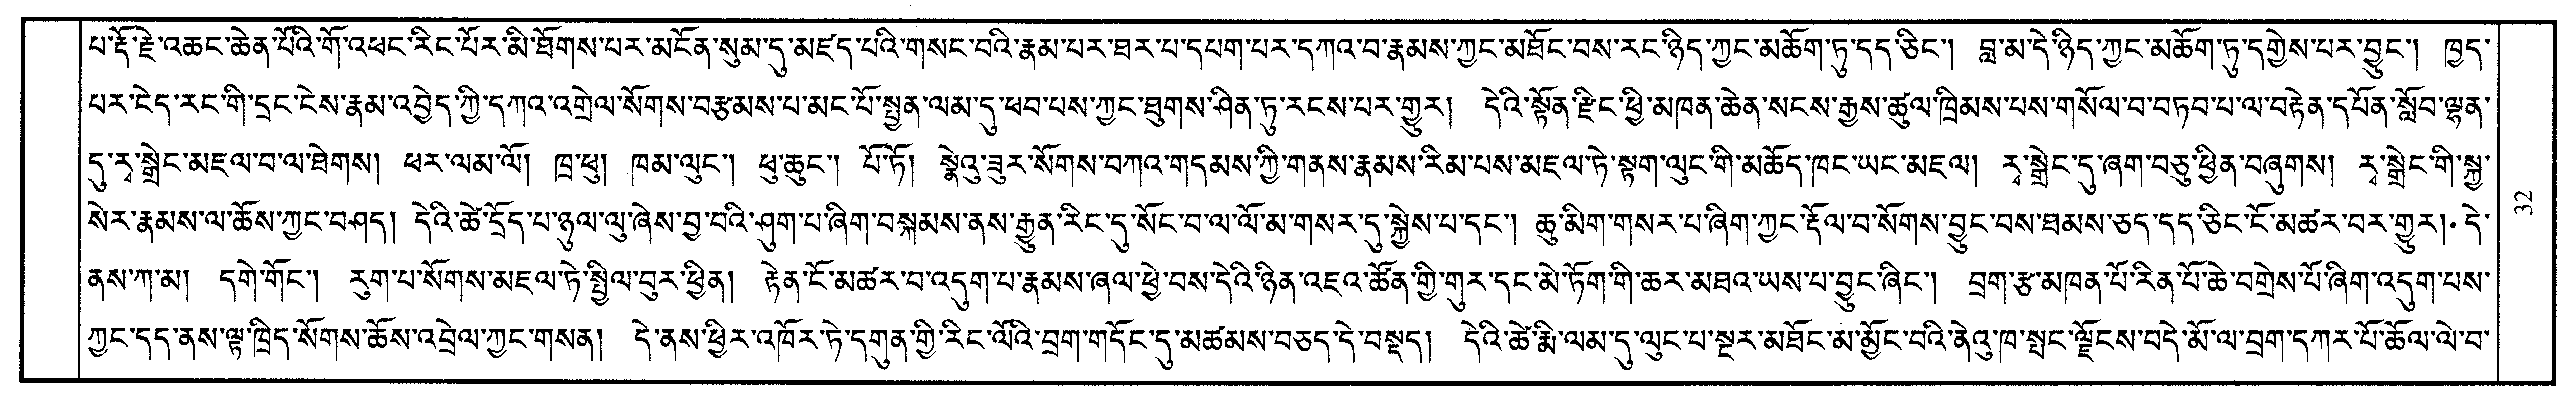པ་རྡོ་རྗེ་འཆང་ཆེན་པོའི་གོ་འཕང་རིང་པོར་མི་ཐོགས་པར་མངོན་སུམ་དུ་མཛད་པའི་གསང་བའི་རྣམ་པར་ཐར་པ་དཔག་པར་དཀའ་བ་རྣམས་ཀྱང་མཐོང་བས་རང་ཉིད་ཀྱང་མཆོག་ཏུ་དད་ཅིང་། བླ་མ་དེ་ཉིད་ཀྱང་མཆོག་ཏུ་དགྱེས་པར་བྱུང་། ཁྱད་
པར་ངེད་རང་གི་དྲང་ངེས་རྣམ་འབྱེད་ཀྱི་དཀའ་འགྲེལ་སོགས་བརྩམས་པ་མང་པོ་སྤྱན་ལམ་དུ་ཕབ་པས་ཀྱང་ཐུགས་ཤིན་ཏུ་རངས་པར་གྱུར། དེའི་སྟོན་རྫིང་ཕྱི་མཁན་ཆེན་སངས་རྒྱས་ཚུལ་ཁྲིམས་པས་གསོལ་བ་བཏབ་པ་ལ་བརྟེན་དཔོན་སློབ་ལྷན་
དུ་རྭ་སྒྲེང་མཇལ་བ་ལ་ཐེགས། ཕར་ལམ་ལོ། ཁྲ་ཕུ། ཁམ་ལུང་། ཕུ་ཆུང་། པོ་ཏོ། སྣེའུ་ཟུར་སོགས་བཀའ་གདམས་ཀྱི་གནས་རྣམས་རིམ་པས་མཇལ་ཏེ་སྟག་ལུང་གི་མཆོད་ཁང་ཡང་མཇལ། རྭ་སྒྲེང་དུ་ཞག་བཅུ་ཕྱིན་བཞུགས། རྭ་སྒྲེང་གི་སྐྱ་
སེར་རྣམས་ལ་ཆོས་ཀྱང་བཤད། དེའི་ཚེ་དྲོད་པ་ཉུལ་ལུ་ཞེས་བྱ་བའི་ཤུག་པ་ཞིག་བསྐམས་ནས་རྒྱུན་རིང་དུ་སོང་བ་ལ་ལོ་མ་གསར་དུ་སྐྱེས་པ་དང་། ཆུ་མིག་གསར་པ་ཞིག་ཀྱང་རྡོར་བ་སོགས་བྱུང་བས་ཐམས་ཅད་དད་ཅིང་ངོ་མཚར་བར་གྱུར། དེ་
ནས་ཀ་མ། དགེ་གོང་། རུག་པ་སོགས་མཇལ་ཏེ་སྤྱིལ་བུར་ཕྱིན། རྟེན་ངོ་མཚར་བ་འདུག་པ་རྣམས་ཞལ་ཕྱེ་བས་དེའི་ཉིན་འཇའ་ཚོན་གྱི་གུར་དང་མེ་ཏོག་གི་ཆར་མཐའ་ཡས་པ་བྱུང་ཞིང་། བྲག་རྩ་མཁན་པོ་རིན་པོ་ཆེ་བགྲེས་པ་ཞིག་འདུག་པས་
ཀྱང་དད་ནས་ལྟ་ཁྲིད་སོགས་ཆོས་འབྲེལ་ཀྱང་གསན། དེ་ནས་ཕྱིར་འཁོར་ཏེ་དགུན་གྱི་རིང་ལོའི་བྲག་གདོང་དུ་མཚམས་བཅད་དེ་བསྡད། དེའི་ཚེ་རྨི་ལམ་དུ་ལུང་པ་སྔར་མཐོང་མ་མྱོང་བའི་ནེའུ་ཁ་སྤང་ལྗོངས་བདེ་མོ་ལ་བྲག་དཀར་པོ་ཆོལ་ལེ་བ་